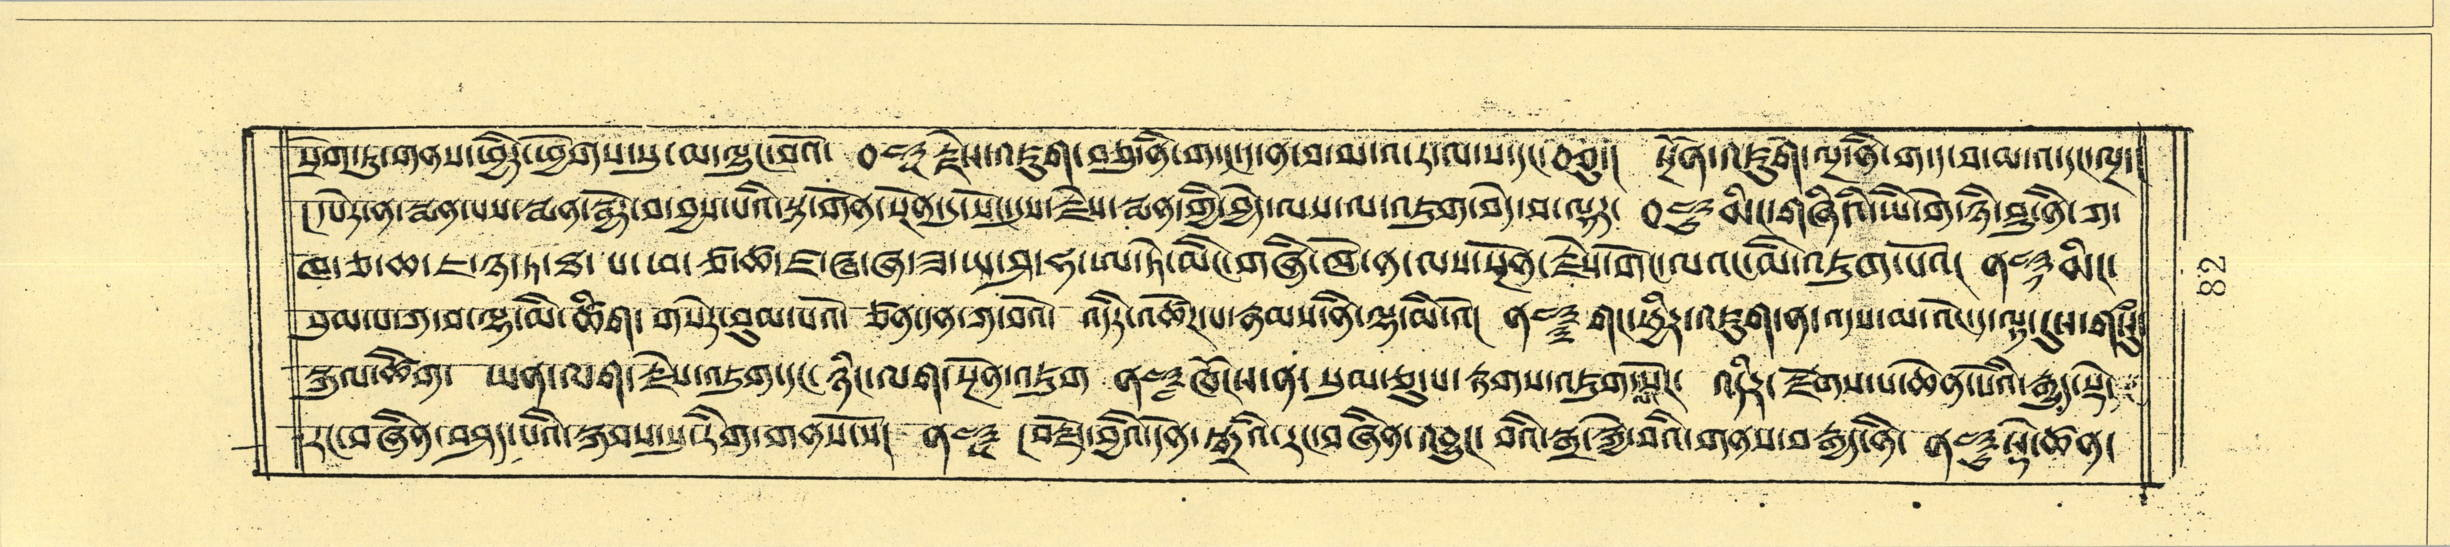སྲོག་ཏུ་གནས་ཕྱིར་ཕྱོགས་སུ་མ་ལྷུང་བའོ། བ༤༢།༥༼རྗེས་འཇུག༽བཅུ་ནི་ག་ང་ད་ན་བ་མ་འ་ར་ལ་ས་དང་བཅུ།༼སྔོན་འཇུག༽ལྔ་ནི། ག་ད་བ་མ་འ་དང་ལྔ། 
དཔེར་ན་སྨན་པས་སྨན་སྦྱོར་བ་བྱས་པའི་སྟ་གོན་སྔོན་དུ་སོང་དུས་རྗེས་སྨན་གྱི་བྱེད་ལས་ལ་འཇུག་བདེ་བ་ལྟར། བ༤༢།༦༼མིང་གཞིའི༽ཡི་གེ་ཉི་ཤུ་ནི་ཀ་
ཁ་ག་ང་ཅ་ཆ་ཇ་ཉ་ཏ་ཐ་ད་ན་པ་ཕ་བ་མ་ཙ་ཚ་ཛ་ཝ་ཞ་ཟ་འ་ཡ་ར་ལ་ཤ་ས་ཧ་ཨ། ཏེ་མིང་གཞི་ཁོ་ན་ལས་སྔོན་རྗེས་གང་ལའང་མི་འཇུག་པའོ། ། ན༤༢།༡༼མིང༽
བུམ་པ་ཀ་བ་ལྷ་མི་༼ཚིག༽གསེར་བུམ་པའོ། ཙན་དན་ཀ་བའོ། འདིར་འཚོགས་པ་རྣམས་ནི་ལྷ་མིའོ། ན༤༣།༣༼གང་ཕྱིར་འཇུག་ན༽འདས་མ་འོངས་ད་ལྟ་༼དུས་གསུམ༽
སྐུལ་ཚིག་༼ཡན་ལག༽རྗེས་འཇུག་དང་༼ཉིང་ལག༽སྔོན་འཇུག་ན༤༣།༤༼ཁོངས་ན༽སུམ་ཅུ་པ་རྟགས་འཇུག་ལ་སོགས་༼འདིར༽རྫོགས་པ་ཆེན་པོའི་རྒྱུད་སྡེ་
རང་བཞིན་བཤད་པའི་སྐབས་སུ་རིག་གནས་སོ། ན༤༣།༥བརྗོད་བྱའི་དོན་སྒྲ་ཡི་རང་བཞིན་འབྱུང་བའི་སྒྲ་སྐྱེ་བའི་གནས་བརྒྱད་ནི་ན༤༣།༦༼སྡེ་ཚན༽